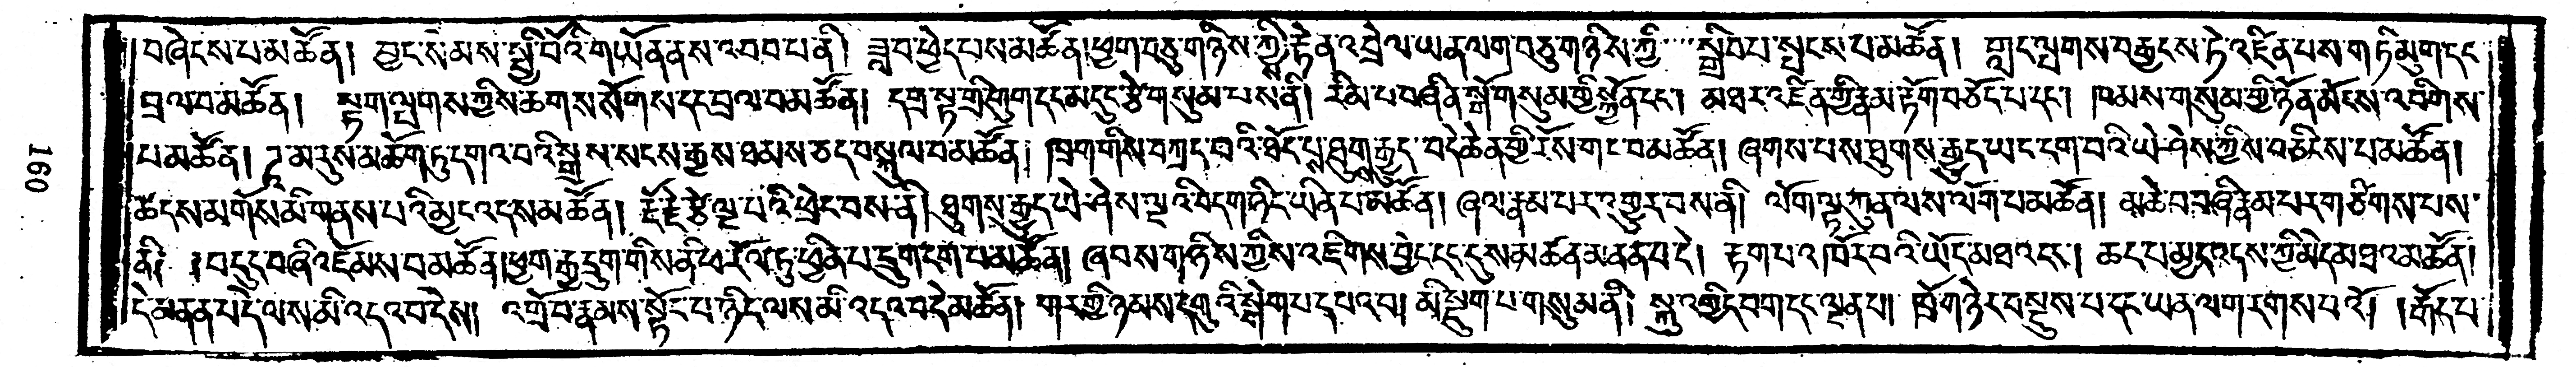བཞེངས་པ་མཚོན། བྱང་སེམས་སྤྱི་བོའི་གཡོན་ནས་འབབ་པ་ནི། ཟླ་བ་ཕྱེད་པས་མཚོན། ཕྱག་བཅུ་གཉིས་ཀྱིས་རྟེན་འབྲེལ་ཡན་ལག་བཅུ་གཉིས་ཀྱི་སྒྲིབ་པ་སྤངས་པ་མཚོན། གླང་ལྤགས་བརྒྱངས་ཏེ་འཛིན་པས་གཏི་མུག་དང་
བྲལ་བ་མཚོན། སྟག་ལྤགས་ཀྱིས་ཆགས་སོགས་དང་བྲལ་བ་མཚོན། དགྲ་སྟ་གྲི་གུག་དང་མདུང་རྩེ་གསུམ་པས་ནི། རིམ་པ་བཞིན་སྒོ་གསུམ་གྱི་སྐྱོན་ངང་། མཐར་འཛིན་གྱི་རྣམ་རྟོག་བཅོད་པ་དང་། ཁམས་གསུམ་གྱི་ཉོན་མོངས་འབིགས་
པ་མཚོན། ཌཱ་མ་རུས་མཆོག་ཏུ་དགའ་བའི་སྒྲས་སངས་རྒྱས་ཐམས་ཅད་བསྐུལ་བ་མཚོན། ཁྲག་གིས་བཀང་བའི་ཐོད་པས་ཐུགས་རྒྱུད་བདེ་ཆེན་གྱི་རོས་གང་བ་མཚོན། ཞགས་པས་ཐུགས་རྒྱུད་ཡང་དག་བའི་ཡེ་ཤེས་ཀྱིས་བཅིངས་པ་མཚོན།
ཚད་ས་མགོས་མི་གནས་པའི་མྱང་འདས་མཚོན། རྡོ་རྗེ་རྩེ་ལྔ་པའི་ཕྲེང་བས་ནི། ཐུགས་རྒྱུད་ཡེ་ཤེས་ལྔའི་བདག་ཉིད་ཡིན་པ་མཚོན། ཞལ་རྣམ་པར་འགྱུར་བས་ནི། ལོག་ལྟ་ཀུན་ལས་ལོག་པ་མཚོན། མཆེ་བ་བཞི་རྣམ་པར་གཙིགས་པས་
ནི༑ ༑བདུད་བཞི་འཇོམས་བ་མཚོན། ཕྱག་རྒྱ་དྲུག་གིས་ནི་ཕ་རོལ་ཏུ་ཕྱིན་པ་དྲུག་དག་པ་མཚོན། ཞབས་གཉིས་ཀྱིས་འཇིགས་བྱེད་དང་དུས་མཚན་མནན་པ་དེ། རྟག་པ་འཁོར་བའི་ཡོད་མཐའ་ངང་། ཆད་པ་མྱང་འདས་ཀྱི་མེད་མཐའ་མཚོན།
དེ་མནན་པ་དེ་ལས་མི་འདའ་བ་དེས། འགྲོ་བ་རྣམས་སྟོང་པ་ཉིད་ལས་མི་འདའ་བདེ་མཚོན། གར་གྱི་ཉམས་དགུའི་སྒེག་པ་དཔའ་བ། མི་སྡུག་པ་གསུམ་ནི། སྐུ་འགྱིད་བག་དང་ལྡན་པ། ཁྲོ་གཉེར་བསྡུས་པ་དང་ཡན་ལག་རགས་པའོ། །རྒོད་པ་